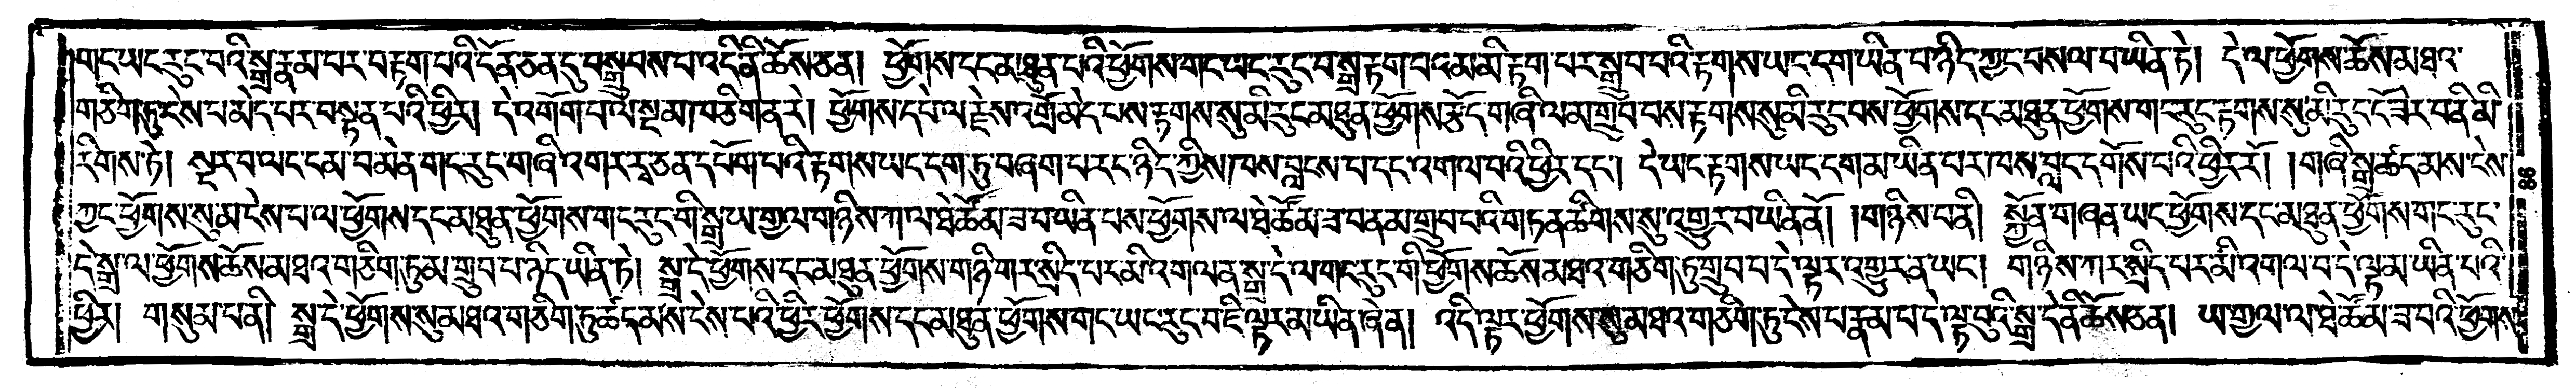གང་ཡང་རུང་བའི་སྒྲ་རྣམ་པར་བརྟག་པའི་དོན་ཅན་དུ་བསྒྲུབས་པ་འདི་ནི་ཆོས་ཅན། ཕྱོགས་དང་མཐུན་པའི་ཕྱོགས་གང་ཡང་རུང་བ་སྒྲ་རྟག་བའམ་མི་རྟག་པར་སྒྲུབ་པའི་རྟགས་ཡང་དག་ཡིན་པ་ཉིད་ཀྱང་བསལ་བ་ཡིན་ཏེ། དེ་ལ་ཕྱོགས་ཆོས་མཐའ་
གཅིག་ཏུ་ངེས་པ་མེད་པར་བསྟན་པའི་ཕྱིར། དེ་འགོག་པ་ལ་སྔ་མ་ཁ་ཅིག་ན་རེ། ཕྱོགས་དཔེ་ལ་རྗེས་འགྲོ་མེད་པས་རྟགས་སུ་མི་རུང་མཐུན་ཕྱོགས་རྩོད་གཞི་ལམ་གྲུབ་བས་རྟགས་སུ་མི་རུང་བས་ཕྱོགས་དང་མཐུན་ཕྱོགས་གང་རུང་རྟགས་སུ་མི་རུང་ངོ་ཟེར་བ་ནི་མི་
རིགས་ཏེ། སྔར་བ་ལང་ངམ་བ་མེན་གང་རུང་ཞི་འགར་རྭ་ཅན་དཔོག་པའི་རྟགས་ཡང་དག་ཏུ་བཞག་པ་རང་ཉིད་ཀྱིས་ཁས་བླངས་པ་དང་འགལ་བའི་ཕྱིར་དང་། དེ་ཡང་རྟགས་ཡང་དག་མ་ཡིན་པར་ཁས་བླང་དགོས་པའི་ཕྱིར་རོ། །གཞི་སྒྲ་ཚད་མས་ངེས་
ཀྱང་ཕྱོགས་སུ་མ་ངེས་པ་ལ་ཕྱོགས་དང་མཐུན་ཕྱོགས་གང་རུང་གི་སྒྲ་ཡ་གྱལ་གཉིས་ཀ་ལ་ཐེ་ཚོམ་ཟ་བ་ཡིན་པས་ཕྱོགས་ལ་ཐེ་ཚོམ་ཟ་བ་ན་མ་གྲུབ་པའི་གཏན་ཚིགས་སུ་འགྱུར་བ་ཡིན་ནོ། །གཉིས་པ་ནི། སྐྱོན་གཞན་ཡང་ཕྱོགས་དང་མཐུན་ཕྱོགས་གང་རུང་
དེ་སྒྲ་ལ་ཕྱོགས་ཆོས་མཐའ་གཅིག་ཏུ་མ་གྲུབ་པ་ཉིད་ཡིན་ཏེ། སྒྲ་དེ་ཕྱོགས་དང་མཐུན་ཕྱོགས་གཉི་གར་སྲིད་པར་མི་འགལ་ན་སྒྲ་དེ་ལ་གང་རུང་གི་ཕྱོགས་ཆོས་མཐའ་གཅིག་ཏུ་གྲུབ་པ་དེ་ལྟར་འགྱུར་ན་ཡང་། གཉིས་ཀར་སྲིད་པར་མི་འགལ་བ་དེ་ལྟ་མ་ཡིན་པའི་
ཕྱིར། གསུམ་པ་ནི། སྒྲ་དེ་ཕྱོགས་སུ་མཐའ་གཅིག་ཏུ་ཚད་མས་ངེས་པའི་ཕྱིར་ཕྱོགས་དང་མཐུན་ཕྱོགས་གང་ཡང་རུང་བ་ཇི་ལྟར་མ་ཡིན་ཞེ་ན། འདི་ལྟར་ཕྱོགས་སུ་མཐའ་གཅིག་ཏུ་ངེས་པ་རྣམ་པ་དེ་ལྟ་བུའི་སྒྲ་དེ་ནི་ཆོས་ཅན། ཡ་གྱལ་ལ་ཐེ་ཚོམ་ཟ་བའི་ཕྱོགས་